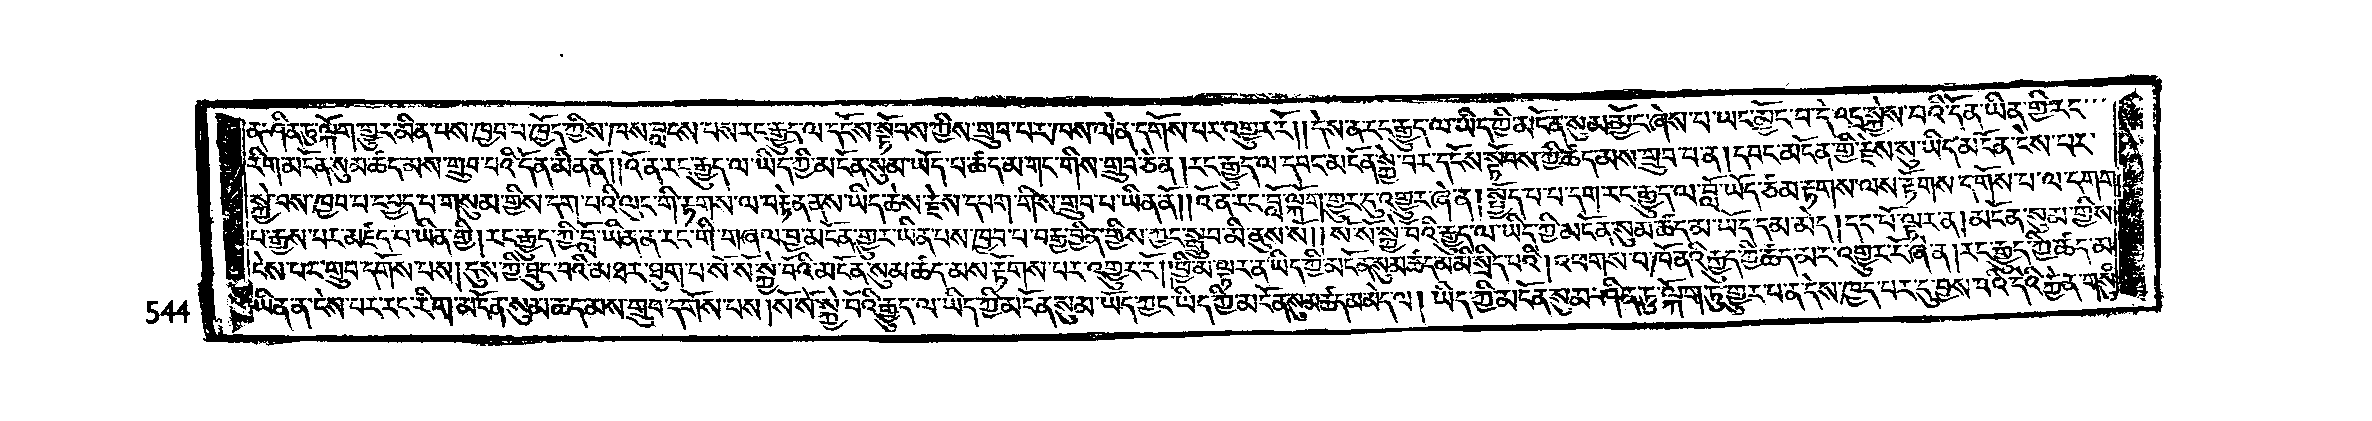ན་ཤིན་ཏུ་ལྐོག་གྱུར་མིན་པས་ཁྱབ་པ་ཁྱོད་ཀྱིས་ཁས་བླངས་པས་རང་རྒྱུད་ལ་དངོས་སྟོབས་ཀྱིས་གྲུབ་པར་ཁས་ལེན་དགོས་པར་འགྱུར་རོ། །དེས་ན་རང་རྒྱུད་ལ་ཡིད་ཀྱི་མངོན་སུམ་མྱོང་ཞེས་པ་ཡང་མྱོང་བ་དེ་འདྲ་སྐྱེས་པའི་དོན་ཡིན་གྱི་རང་
རིག་མངོན་སུམ་ཚད་མས་གྲུབ་པའི་དོན་མིན་ནོ། །འོ་ན་རང་རྒྱུད་ལ་ཡིད་ཀྱི་མངོན་སུམ་ཡོད་པ་ཚད་མ་གང་གིས་གྲུབ་ཅེ་ན། རང་རྒྱུད་ལ་དབང་མངོན་སྐྱེ་བར་དངོས་སྟོབས་ཀྱི་ཚད་མས་གྲུབ་པ་ན། དབང་མངོན་གྱི་རྗེས་སུ་ཡིད་མངོན་ངེས་པར་
སྐྱེ་བས་ཁྱབ་པ་དཔྱད་པ་གསུམ་གྱིས་དག་པའི་ལུང་གི་རྟགས་ལ་བརྟེན་ནས་ཡིད་ཆེས་རྗེས་དཔག་གིས་གྲུབ་པ་ཡིན་ནོ། །འོ་ན་རང་བློ་ལྐོག་གྱུར་དུ་འགྱུར་ཞེ་ན། སྤྱོད་པ་པ་དག་རང་རྒྱུད་ལ་བློ་ཡོད་ཙམ་རྟགས་ལས་རྟོགས་དགོས་པ་ལ་དགག་
པ་རྒྱས་པར་མཛད་པ་ཡིན་གྱི། རང་རྒྱུད་ཀྱི་བློ་ཡིན་ན་རང་གི་གཞལ་བྱ་མངོན་གྱུར་ཡིན་པས་ཁྱབ་པ་བརྒྱ་བྱིན་གྱིས་ཀྱང་སྒྲུབ་མི་ནུས་སོ། །སོ་སོ་སྐྱེ་བོའི་རྒྱུད་ལ་ཡིད་ཀྱི་མངོན་སུམ་ཚད་མ་ཡོད་དམ་མེད། དང་པོ་ལྟར་ན། མངོན་སུམ་གྱིས་
ངེས་པར་གྲུབ་དགོས་པས། དུས་ཀྱི་ཐུང་བའི་མཐར་ཐུག་པ་སོ་སོ་སྐྱེ་བོའི་མངོན་སུམ་ཚད་མས་རྟོགས་པར་འགྱུར་རོ། །ཕྱི་མ་ལྟར་ན་ཡིད་ཀྱི་མངོན་སུམ་ཚད་མ་མི་སྲིད་པའི། འཕགས་པ་ཁོ་ནའི་རྒྱུད་ཀྱི་ཚད་མར་འགྱུར་རོ་ཞེ་ན། རང་རྒྱུད་ཀྱི་ཚད་མ་
ཡིན་ན་ངེས་པར་རང་རིག་མངོན་སུམ་ཚད་མས་གྲུབ་དགོས་པས། སོ་སོ་སྐྱེ་བོའི་རྒྱུད་ལ་ཡིད་ཀྱི་མངོན་སུམ་ཡོད་ཀྱང་ཡིད་ཀྱི་མངོན་སུམ་ཚད་མ་མེད་ལ། ཡིད་ཀྱི་མངོན་སུམ་ཤིན་ཏུ་ལྐོག་ཏུ་གྱུར་པ་ན་དེས་ཁྱད་པར་དུ་བྱས་པའི་དེའི་རྐྱེན་གསུམ་